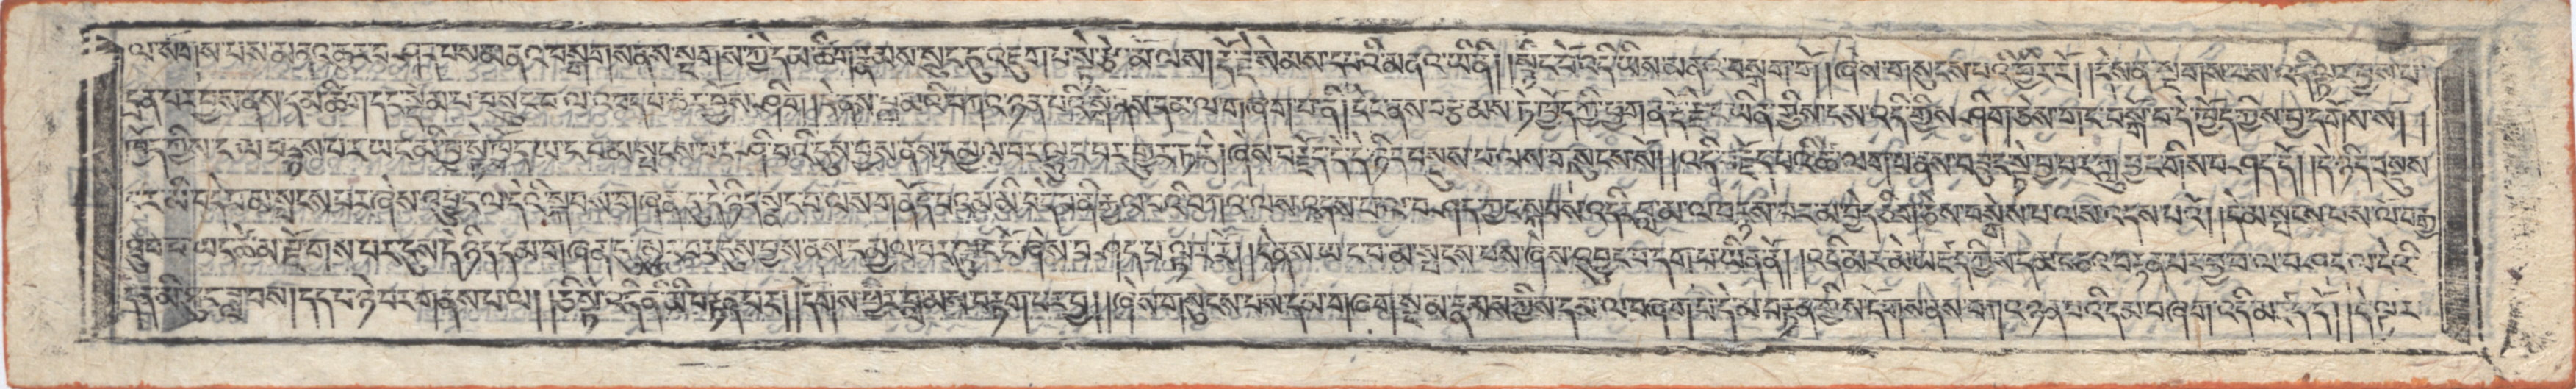ལ་སོགས་པས་མནའ་ཆུར་བཤད་པས་མནའ་བསྒགས་ནས་སྔགས་ཀྱི་དམ་ཚིག་རྣམས་སྲུང་དུ་འཇུག་པ་སྟེ་རྩེ་མོ་ལས། རྡོ་རྗེ་སེམས་དཔའི་མནའ་ཡི་ནི། །སྙིང་པོ་འདི་ཡིས་མནའ་བསྒག་གོ །ཞེས་གསུངས་པའི་ཕྱིར་རོ། །དེས་ན་སྔགས་པས་འདི་ལྟར་བྱས་པ་
དྲན་པར་བྱས་ནས་དམ་ཚིག་དང་སྡོམ་པ་བསྲུང་བ་ལ་འབད་པ་ཆེར་བྱོས་ཤིག །དེ་ནས་བླ་མའི་བཀའ་ཉན་པའི་སྒོ་ནས་དམ་ལ་གཞག་པ་ནི། དེང་ནས་བརྩམས་ཏེ་ཁྱོད་ཀྱི་ཕྱག་ན་རྡོ་རྗེ་ང་ཡིན་གྱིས་ངས་འདི་གྱིས་ཤིག་ཅེས་གང་བསྒོ་བ་དེ་ཁྱོད་ཀྱིས་བྱ་དགོས་སོ། །
ཁྱོད་ཀྱིས་ང་ལ་བརྙས་པར་ཡང་མི་བྱ་སྟེ་ཁྱོད་ཡ་ང་བ་མ་སྤངས་པར་ཤི་བའི་དུས་བྱས་ནས་དམྱལ་བར་ལྷུང་བར་གྱུར་ཏ་རེ། ཞེས་བརྗོད་དེ་དེ་ཉིད་བསྡུས་པ་ལས་གསུངས་སོ། །འདི་བརྗོད་པའི་ཚེ་ལག་པ་ནས་བཟུང་སྟེ་བྱ་བར་ཀླུ་བྱང་གིས་བཤད་དོ། །དེ་ཉིད་བསྡུས་
པར་མི་བདེ་བ་མ་སྤངས་པར་ཞེས་འབྱུང་ལ་དེའི་སྐབས་གཞན་དུ་དེ་ཉིད་སྣང་བ་ལས་གནོད་པའམ་མི་བདེ་བ་ནི་རྒྱལ་བའི་བཀའ་ལས་འདས་པ་ལ་བཤད་ཀྱང་སྐབས་འདིར་བླ་མ་ལ་བརྙས་པར་མ་བྱེད་ཅིག་ཅེས་བསྒེས་པ་ལས་འདས་པའོ། །དེ་མ་སྤངས་པས་ལོ་བརྒྱ་
ཐུབ་པ་ཡང་ཚེ་མ་རྫོགས་པར་དུས་དེ་ཉིད་དམ་གཞན་དུ་མྱུར་བར་དུས་བྱས་ནས་དམྱལ་བར་ལྟུང་ངོ་ཞེས་བཤད་པ་ལྟར་རོ། །དེ་ནས་ཡ་ང་བ་མ་སྤངས་པས་ཞེས་འབྱུང་བ་དག་པ་ཡིན་ནོ། །འདི་མར་མེ་མཛད་ཀྱིས་དམ་བཅའ་བརྟན་པར་བྱ་བ་ལ་བཤད་ལ་དེའི་
དོན་མི་ཐུང་ཟླ་བས། དད་པ་ཉེ་བར་གནས་པ་ལ། །ཅི་སྟེ་འདི་ནི་མི་བརྟན་པར། །དོགས་ཕྱིར་བླ་མས་བརྟག་པར་བྱ། །ཞེས་གསུངས་པས་དམ་གཞག་སྔ་མ་རྣམས་ཀྱིས་དམ་ལ་བཞག་པ་དེ་མ་བརྟན་གྱིས་དོགས་ནས་བཀའ་ཉན་པའི་དམ་བཞག་འདི་མཛད་དོ། །དེ་ལྟར་